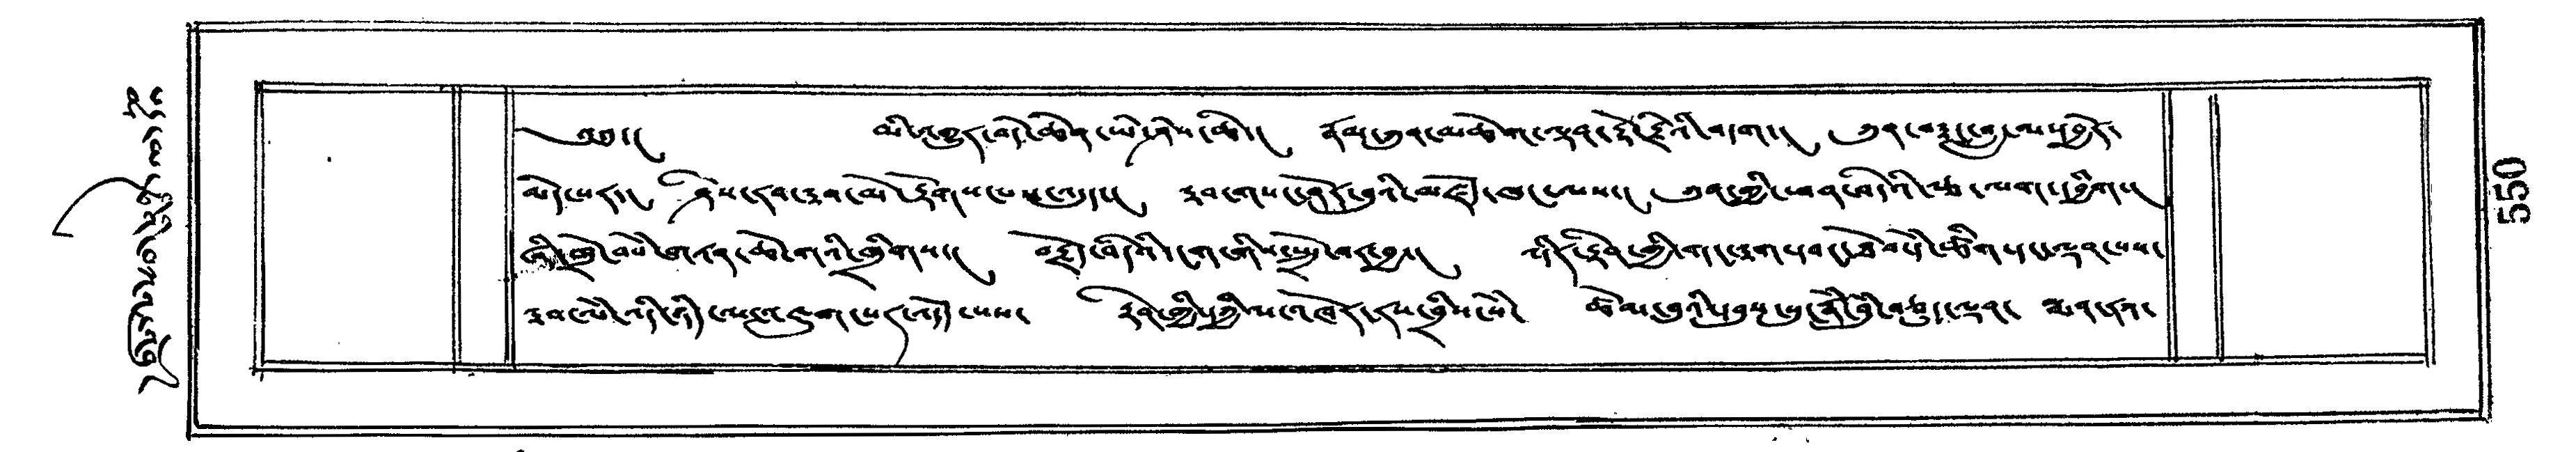མི་འགྱུར་བདེ་ཆེན་ཡེ་ཤེས་ཆེ། །རྣམ་ཀུན་མཆོག་ལྡན་རྡོ་རྗེའི་བདག །ཀུན་བཟང་བླ་མ་དབྱེར་
མེད་པར། །ཤེས་རབ་ཟབ་མོ་རྟོགས་པས་འདུད། །ཟབ་གསང་ནོར་བུའི་མཛོད་ཁང་ལས། །ཀུན་གྱི་ཕན་བདེའི་རྩ་ལག་དབྱིག 
ཞི་ཁྲོ་བསམ་གཏན་ཆོ་གའི་ཁྲིགས། །བརྗོད་བདེའི་ངག་གིས་སྤྲོ་བར་བྱ། འདིར་རྟེན་གྱི་གང་ཟག་དབང་ཐོབ་དམ་ཚིག་དང་ལྡན་པ་
ཟབ་ལམ་འདི་ཉིད་ལ་འཇུག་པར་འདོད་པས། རྟེན་གྱིས་དཀྱིལ་འཁོར་རས་བྲིས་སམ། ཚོམ་བུའི་དབུས་སུ་རྣམ་བུམ་བཅུད་ལྡན། སྨན་རཀ་